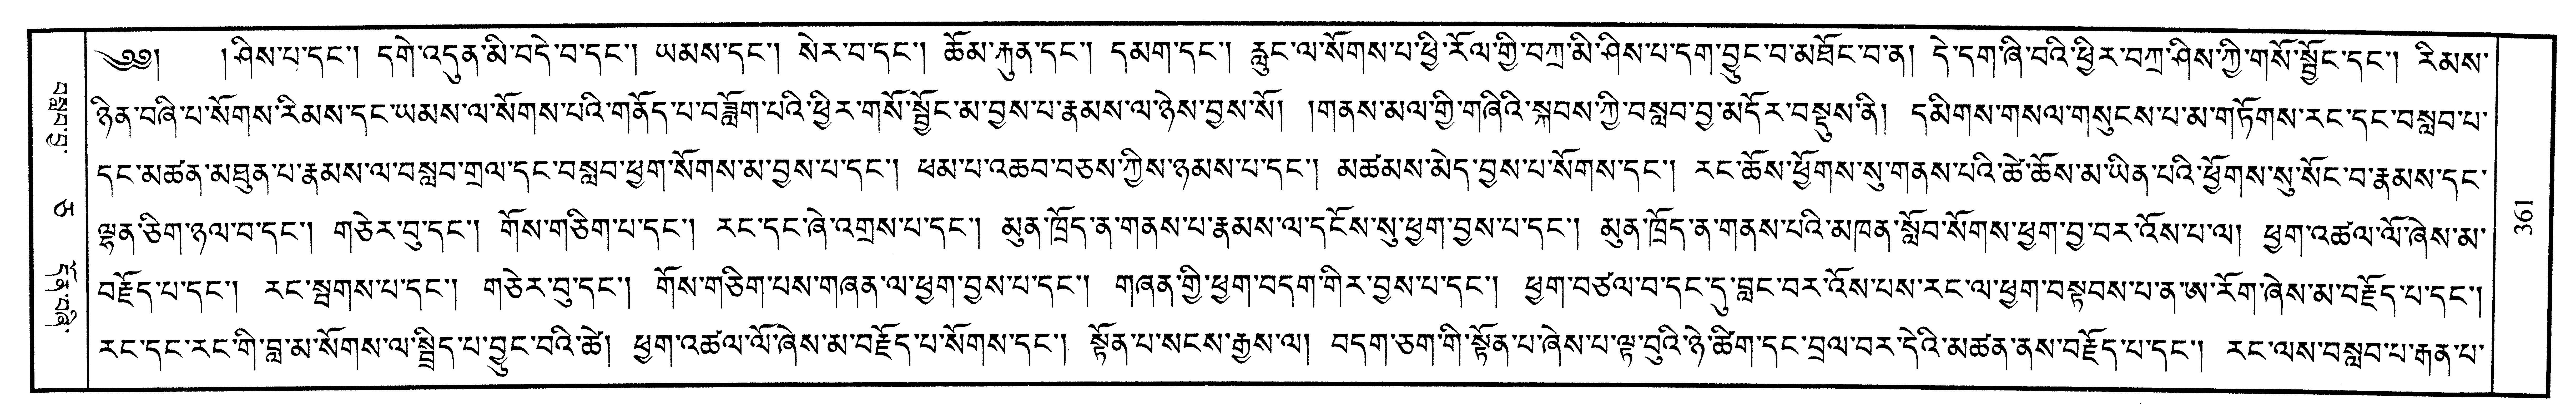༄༅། །ཤིས་པ་དང་། དགེ་འདུན་མི་བདེ་བ་དང་། ཡམས་དང་། སེར་བ་དང་། ཆོམ་རྐུན་དང་། དམག་དང་། རླུང་ལ་སོགས་པ་ཕྱི་རོལ་གྱི་བཀྲ་མི་ཤེས་པ་དག་བྱུང་བ་མཐོང་བ་ན། དེ་དག་ཞི་བའི་ཕྱིར་བཀྲ་ཤིས་ཀྱི་གསོ་སྦྱོང་དང་། རིམས་
ཉིན་བཞི་པ་སོགས་རིམས་དང་ཡམས་ལ་སོགས་པའི་གནོད་པ་བཟློག་པའི་ཕྱིར་གསོ་སྦྱོང་མ་བྱས་པ་རྣམས་ལ་ཉེས་བྱས་སོ། །གནས་མལ་གྱི་གཞིའི་སྐབས་ཀྱི་བསླབ་བྱ་མདོར་བསྡུས་ནི། དམིགས་གསལ་གསུངས་པ་མ་གཏོགས་རང་དང་བསླབ་པ་
དང་མཚན་མཐུན་པ་རྣམས་ལ་བསླབ་གྲལ་དང་བསླབ་ཕྱག་སོགས་མ་བྱས་པ་དང་། ཕམ་པ་འཆབ་བཅས་ཀྱིས་ཉམས་པ་དང་། མཚམས་མེད་བྱས་པ་སོགས་དང་། རང་ཆོས་ཕྱོགས་སུ་གནས་པའི་ཚེ་ཆོས་མ་ཡིན་པའི་ཕྱོགས་སུ་སོང་བ་རྣམས་དང་
ལྷན་ཅིག་ཉལ་བ་དང་། གཅེར་བུ་དང་། གོས་གཅིག་པ་དང་། རང་དང་ཞེས་འགྲས་པ་དང་། མུན་ཁྲོད་ན་གནས་པ་རྣམས་དངོས་སུ་ཕྱག་བྱས་པ་དང་། མུན་ཁྲོད་ན་གནས་པའི་མཁན་སློབ་སོགས་ཕྱག་བྱ་བར་འོས་པ་ལ། ཕྱག་འཚལ་ལོ་ཞེས་མ་
བརྗོད་པ་དང་། རང་སྦགས་པ་དང་། གཅེར་བུ་དང་། གོས་གཅིག་པས་གཞན་ལ་ཕྱག་བྱས་པ་དང་། གཞན་གྱི་ཕྱག་བདག་གིར་བྱས་པ་དང་། ཕྱག་བཙལ་བ་དང་དུ་བླང་བར་འོས་པས་རང་ལ་ཕྱག་བསྟབས་པ་ན་ཨ་རོག་ཞེས་མ་བརྗོད་པ་དང་།
རང་དང་རང་གི་བླ་མ་སོགས་ལ་སྦྲིད་པ་བྱུང་བའི་ཚེ། ཕྱག་འཚལ་ལོ་ཞེས་མ་བརྗོད་པ་སོགས་དང་། སྟོན་པ་སངས་རྒྱས་ལ། བདག་ཅག་གི་སྟོན་པ་ཞེས་པ་ལྟ་བུའི་ཉེ་ཚིག་དང་བྲལ་བར་དེའི་མཚན་ནས་བརྗོད་པ་དང་། རང་ལས་བསླབ་པ་རྒན་པ་